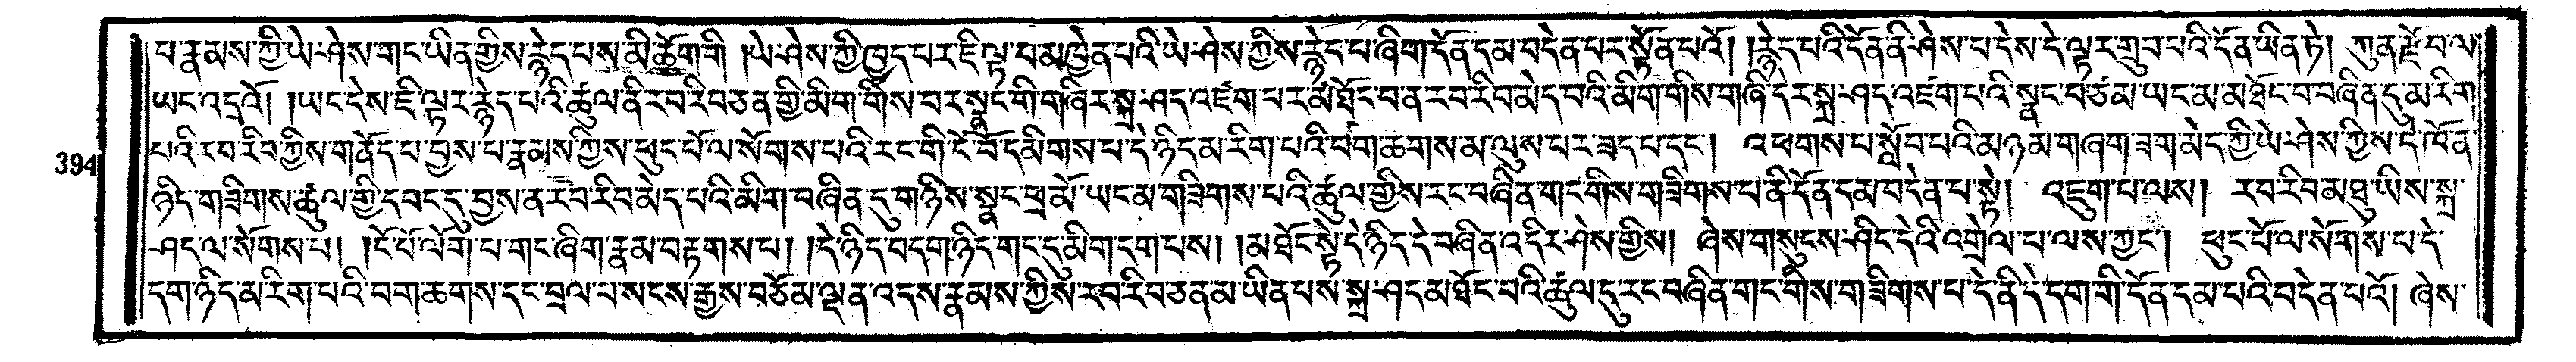པ་རྣམས་ཀྱི་ཡེ་ཤེས་གང་ཡིན་གྱིས་རྙེད་པས་མི་ཆོག་གི །ཡེ་ཤེས་ཀྱི་ཁྱད་པར་ཇི་ལྟ་བ་མཁྱེན་པའི་ཡེ་ཤེས་ཀྱིས་རྙེད་པ་ཞིག་དོན་དམ་བདེན་པར་སྟོན་པའོ། །རྙེད་པའི་དོན་ནི་ཤེས་པ་དེས་དེ་ལྟར་གྲུབ་པའི་དོན་ཡིན་ཏེ། ཀུན་རྫོབ་ལ་
ཡང་འདྲའོ། །ཡང་དེས་ཇི་ལྟར་རྙེད་པའི་ཚུལ་ནི་རབ་རིབ་ཅན་གྱི་མིག་གིས་བར་སྣང་གི་གཞིར་སྐྲ་ཤད་འཛག་པར་མཐོང་བ་ན་རབ་རིབ་མེད་བའི་མིག་གིས་གཞི་དེར་སྐྲ་ཤད་འཛག་པའི་སྣང་བ་ཙམ་ཡང་མ་མཐོང་བ་བཞིན་དུ་མ་རིག་
པའི་རབ་རིབ་ཀྱིས་གནོད་པ་བྱས་པ་རྣམས་ཀྱིས་ཕུང་པོ་ལ་སོགས་པའི་རང་གི་ངོ་བོ་དམིགས་པ་དེ་ཉིད་མ་རིག་པའི་བག་ཆགས་མ་ལུས་པར་ཟད་པ་དང་། འཕགས་པ་སློབ་པའི་མཉམ་གཞག་ཟག་མེད་ཀྱི་ཡེ་ཤེས་ཀྱིས་དེ་ཁོ་ན་
ཉིད་གཟིགས་ཚུལ་གྱི་དབང་དུ་བྱས་ན་རབ་རིབ་མེད་པའི་མིག་བཞིན་དུ་གཉིས་སྣང་ཕྲ་མོ་ཡང་མ་གཟིགས་པའི་ཚུལ་གྱིས་རང་བཞིན་གང་གིས་གཟིགས་པ་ནི་དོན་དམ་བདེན་པ་སྟེ། འཇུག་པ་ལས། རབ་རིབ་མཐུ་ཡིས་སྐྲ་
ཤད་ལ་སོགས་པ། །ངོ་བོ་ལོག་པ་གང་ཞིག་རྣམ་བརྟགས་པ། །དེ་ཉིད་བདག་ཉིད་གང་དུ་མིག་དག་པས། །མཐོང་སྟེ་དེ་ཉིད་དེ་བཞིན་འདིར་ཤེས་གྱིས། ཞེས་གསུངས་ཤིང་དེའི་འགྲེལ་པ་ལས་ཀྱང་། ཕུང་པོ་ལ་སོགས་པ་དེ་
དག་ཉིད་མ་རིག་པའི་བག་ཆགས་དང་བྲལ་བ་སངས་རྒྱས་བཅོམ་ལྡན་འདས་རྣམས་ཀྱིས་རབ་རིབ་ཅན་མ་ཡིན་པས་སྐྲ་ཤད་མཐོང་བའི་ཚུལ་དུ་རང་བཞིན་གང་གིས་གཟིགས་པ་དེ་ནི་དེ་དག་གི་དོན་དམ་པའི་བདེན་པའོ། ཞེས་